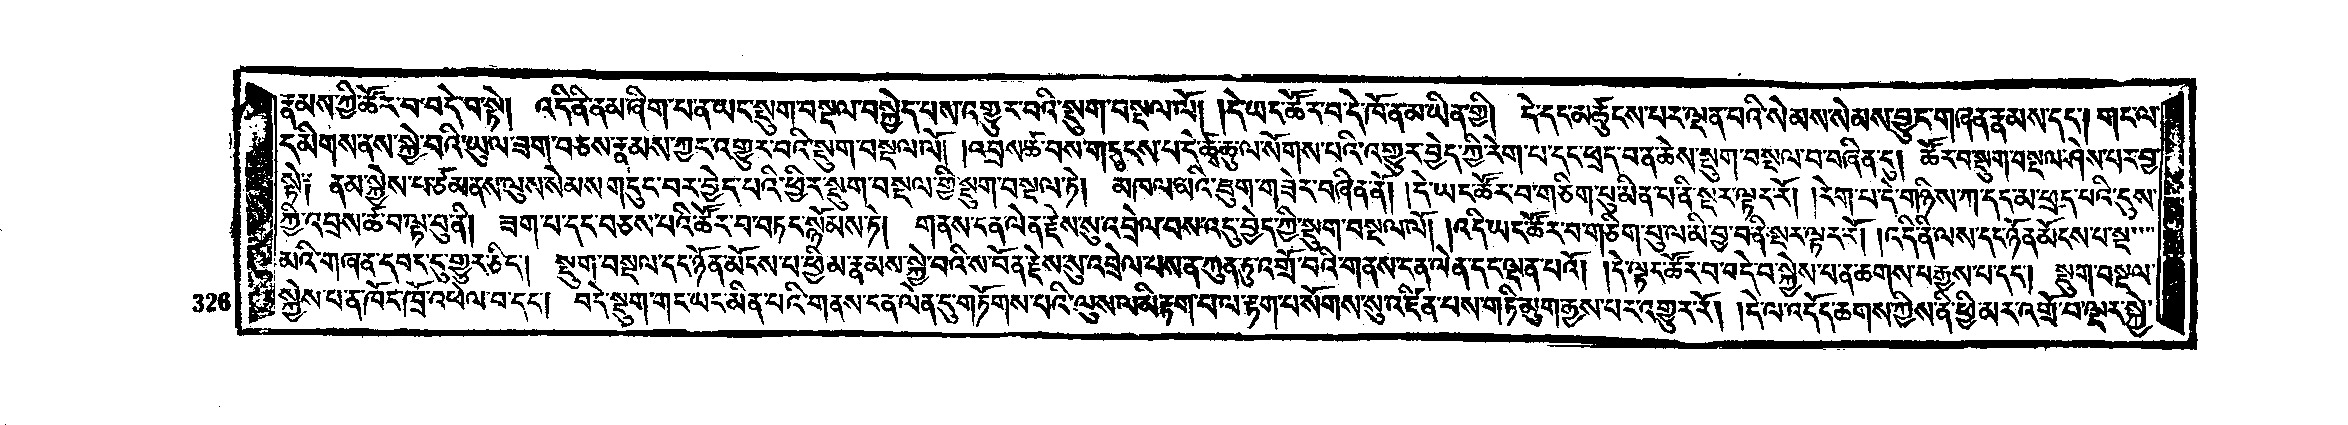རྣམས་ཀྱི་ཚོར་བ་བདེ་བ་སྟེ། འདི་ནི་ནམ་ཞིག་པ་ན་ཡང་སྡུག་བསྔལ་བསྐྱེད་པས་འགྱུར་བའི་སྡུག་བསྔལ་ལོ། །དེ་ཡང་ཚོར་བ་དེ་ཁོ་ན་མ་ཡིན་གྱི། དེ་དང་མཚུངས་པར་ལྡན་པའི་སེམས་སེམས་བྱུང་གཞན་རྣམས་དང་། གང་ལ་
དམིགས་ནས་སྐྱེ་བའི་ཡུལ་ཟག་བཅས་རྣམས་ཀྱང་འགྱུར་བའི་སྡུག་བསྔལ་ལོ། །འབྲས་ཚ་བས་གདུངས་པ་དེ་ཚྭ་ཆུ་ལ་སོགས་པའི་འགྱུར་བྱེད་ཀྱི་རེག་པ་དང་ཕྲད་པ་ན་ཆེས་སྡུག་བསྔལ་བ་བཞིན་དུ། ཚོར་བ་སྡུག་བསྔལ་ཤེས་པར་བྱ་
སྟེ༑ ནམ་སྐྱེས་པ་ཙམ་ནས་ལུས་སེམས་གདུང་བར་བྱེད་པའི་ཕྱིར་སྡུག་བསྔལ་གྱི་སྡུག་བསྔལ་ཏེ། མཁའ་མའི་ཟུག་གཟེར་བཞིན་ནོ། །དེ་ཡང་ཚོར་བ་གཅིག་པུ་མིན་པ་ན་སྔར་ལྟར་རོ། །རེག་པ་དེ་གཉིས་ཀ་དང་མ་ཕྲད་པའི་དུས་
ཀྱི་འབྲས་ཚ་བ་ལྟ་བུ་ནི། ཟག་པ་དང་བཅས་པའི་ཚོར་བ་བཏང་སྙོམས་ཏེ། གནས་ངན་ལེན་རྗེས་སུ་འབྲེལ་བས་འདུ་བྱེད་ཀྱི་སྡུག་བསྔལ་ལོ། །འདི་ཡང་ཚོར་བ་གཅིག་པུ་ལ་མི་བྱ་བ་ནི་སྔར་ལྟར་རོ། །འདི་ནི་ལས་དང་ཉོན་མོངས་པ་སྔ་
མའི་གཞན་དབང་དུ་གྱུར་ཅིང་། སྡུག་བསྔལ་དང་ཉོན་མོངས་པ་ཕྱི་མ་རྣམས་སྐྱེ་བའི་ས་བོན་རྗེས་སུ་འབྲེལ་བས་ན་ཀུན་ཏུ་འགྲོ་བའི་གནས་ངན་ལེན་དང་ལྡན་པའོ། །དེ་ལྟར་ཚོར་བ་བདེ་བ་སྐྱེས་པ་ན་ཆགས་པ་རྒྱས་པ་དང་། སྡུག་བསྔལ་
སྐྱེས་པ་ན་ཁོང་ཁྲོ་འཕེལ་བ་དང་། བདེ་སྡུག་གང་ཡང་མིན་པའི་གནས་ངན་ལེན་དུ་གཏོགས་པའི་ལུས་ལ་མི་རྟག་པ་ལ་རྟག་པ་སོགས་སུ་འཛིན་པས་གཏི་མུག་རྒྱས་པར་འགྱུར་རོ། །དེ་ལ་འདོད་ཆགས་ཀྱིས་ནི་ཕྱི་མར་འགྲོ་བ་ལྔར་སྐྱེ་